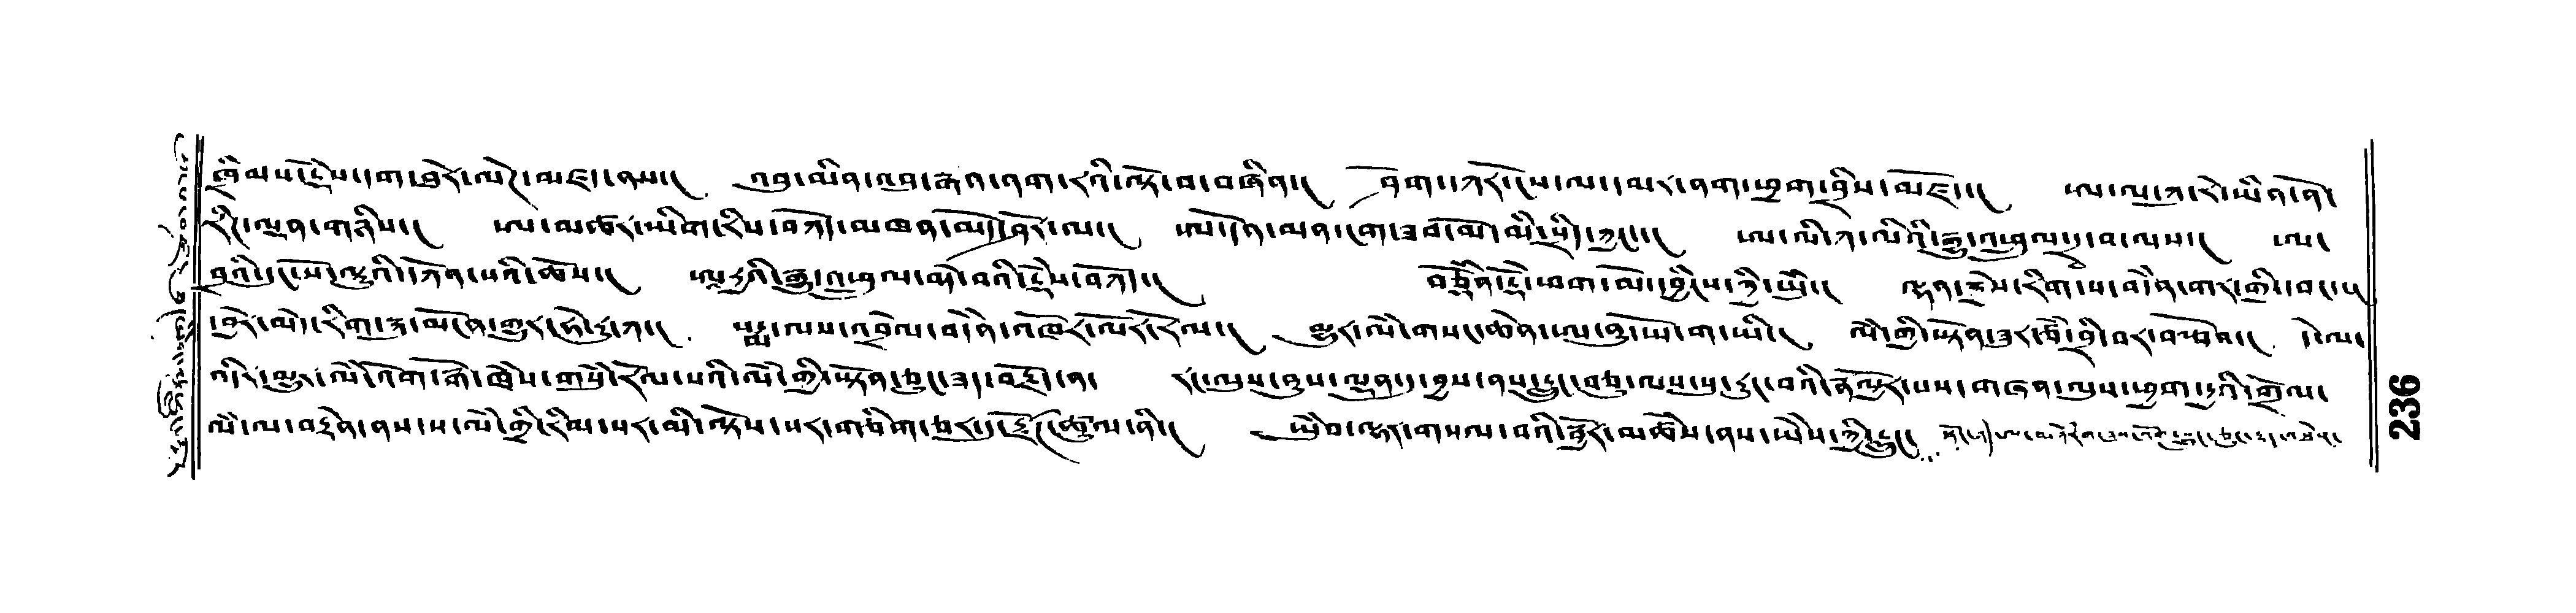ཁྲིམས་རྡོ་རྗེས་དག་ཐེར་ལེགས་མཛད་ནས། །འབུ་མིན་འབུ་རྒན་ནག་རའི་ལྟོ་བ་བཞིན། །ཤོག་དཀར་ངོས་ལ་དམར་ནག་ཕྱག་བྲིས་མཛོད། ཨ་ལ་ཀུ་རེ་ཡིན་ནོ་
རིགས་ལྡན་གཉིས། །ཨ་མཚར་ཡིག་རིས་བཀོད་མཁན་མདོ་ཤོར་མ། །ཨ་དོན་མན་ངག་ཟབ་མོ་མི་སྲིད་ཀྱང་། །ཨ་ལི་ཀ་ལིའི་སྒྱུ་འཕྲུལ་དྲྭ་བ་ལས། །ཨ་
བྲའི་དུང་སོ་ལྟ་བུའི་དཀོན་པའི་ཆོས། །ཨཱརྻའི་སྒྱུ་འཕྲུལ་བདེ་བའི་རྡོ་རྗེས་བཀོད།། དགེའོ།། བཅོམ་ལྡན་རྡོ་རྗེ་ཕག་མོ་དབྱིངས་ཀྱི་ཡུམ། །ལྷན་སྐྱེས་རིག་པ་བདེ་ཆེན་གར་གྱི་དབང་། །
དབྱེར་མེད་རིག་སྐུ་མངོན་གྱུར་ཧེ་རུ་ཀ།པདྨ་ལས་འབྲེལ་བདེ་ཆེན་འཁོར་ལོར་རོལ། །མྱུར་ལམ་གསང་ཆེན་ཨ་ནུ་ཡོ་ག་ཡི། །ལམ་གྱི་ཡོན་ཏན་ཟུར་ཙམ་བྲི་བར་བརྩོན། །དེ་ལ་
འདིར་མྱུར་ལམ་འོག་སྒོ་ཁམས་གསུམ་རོལ་པའི་ལམ་གྱི་ཡོན་ཏན་ཅུང་ཟད་བརྗོད་ན། རང་ལུས་ནུས་ལྡན་དུ་བྱས་ནས་རླུང་བཅུ་ལས་སུ་རུང་བའི་རྣལ་འབྱོར་པས་གཞན་ལུས་ཕྱག་རྒྱའི་གྲོལ་
ལམ་ལ་བརྟེན་ནས་ས་ལམ་གྱི་རིམ་པ་ལ་མི་ལྟོས་པར་གཅིག་ཅར་དུ་རྫོགས་ཚུལ་ནི། ཡབ་ཡུམ་ལྷར་གསལ་བའི་སྦྱོར་མཚམས་ནས་ཡེ་ཤེས་ཀྱི་རླུང་